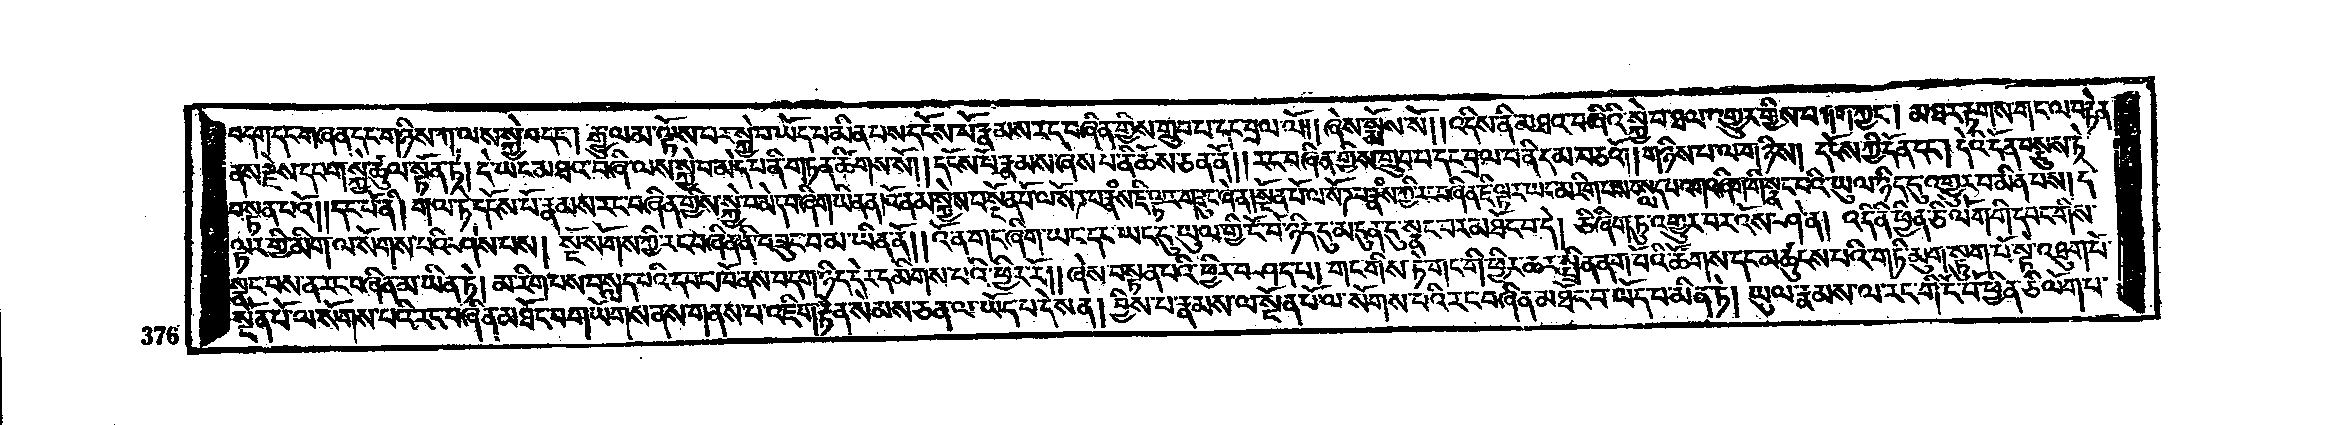བདག་དང་གཞན་དང་གཉིས་ཀ་ལས་སྐྱེ་བ་དང་། རྒྱུ་ལ་མ་ལྟོས་པར་སྐྱེ་བ་ཡོད་པ་མིན་པས་དངོས་པོ་རྣམས་རང་བཞིན་གྱིས་གྲུབ་པ་དང་བྲལ་ལོ། །ཞེས་སྨོས་སོ། །འདིས་ནི་མཐའ་བཞིའི་སྐྱེ་བ་ཐལ་འགྱུར་གྱིས་བཀག་ཀྱང་། མཐར་རྟགས་གང་ལ་བརྟེན་
ནས་རྗེས་དཔག་སྐྱེ་ཚུལ་སྟོན་ཏེ། དེ་ཡང་མཐའ་བཞི་ལས་སྐྱེ་བ་མེད་པ་ནི་གཏན་ཚིགས་སོ། །དངོས་པོ་རྣམས་ཞེས་པ་ནི་ཆོས་ཅན་ནོ། །རང་བཞིན་གྱིས་གྲུབ་པ་དང་བྲལ་བ་ནི་དམ་བཅའོ། གཉིས་པ་ལ་གཉིས། དངོས་ཀྱི་དོན་དང་། དེའི་དོན་བསྡུས་ཏེ་
བསྟན་པའོ། །དང་པོ་ནི། གལ་ཏེ་དངོས་པོ་རྣམས་རང་བཞིན་གྱིས་སྐྱེ་བ་མེད་པ་ཞིག་ཡིན་ན། འོ་ན་མ་སྐྱེས་པ་སྔོན་པོ་ལ་སོགས་པ་རྣམས་ཇི་ལྟར་གཟུང་ཞེ་ན། སྔོན་པོ་ལ་སོགས་པ་རྣམས་ཀྱི་རང་བཞིན་ཇི་ལྟར་ཡང་མ་རིག་པས་བསླད་པ་འགའ་ཞིག་གི་སྣང་བའི་ཡུལ་ཉིད་དུ་འགྱུར་བ་མིན་པས། དེ་
ལྟར་གྱི་མིག་ལ་སོགས་པའི་ཤེས་པས། སྔོ་སོགས་ཀྱི་རང་བཞིན་ནི་བཟུང་བ་མ་ཡིན་ནོ། །འོ་ན་གང་ཞིག་ཡང་དང་ཡང་དུ་ཡུལ་གྱི་ངོ་བོ་ཉིད་དུ་མདུན་དུ་སྣང་བར་མཐོང་བ་དེ། ཅི་ཞིག་ཏུ་འགྱུར་བར་འོས་ཤེ་ན། འདི་ནི་ཕྱིན་ཅི་ལོག་གི་དབང་གིས་
སྣང་བས་ན་རང་བཞིན་མ་ཡིན་ཏེ། མ་རིག་པས་བསླད་པའི་དབང་ཁོ་ནས་བདག་ཉིད་དེར་དམིགས་པའི་ཕྱིར་རོ། །ཞེས་བསྟན་པའི་ཕྱིར་བཤད་པ། གང་གིས་ཏེ་གང་གི་ཕྱིར་ཆར་སྤྲིན་ནག་པོའི་ཚོགས་དང་མཚུངས་པའི་གཏི་མུག་སྟུག་པོ་སྟེ་འཐུག་པོ་
སྔོན་པོ་ལ་སོགས་པའི་རང་བཞིན་མཐོང་བ་གཡོགས་ནས་གནས་པ་འཇིག་རྟེན་སེམས་ཅན་ལ་ཡོད་པ་དེས་ན། བྱིས་པ་རྣམས་ལ་སྔོན་པོ་ལ་སོགས་པའི་རང་བཞིན་མཐོང་བ་ཡོད་པ་མིན་ཏེ། ཡུལ་རྣམས་ལ་རང་གི་ངོ་བོ་ཕྱིན་ཅི་ལོག་པ་